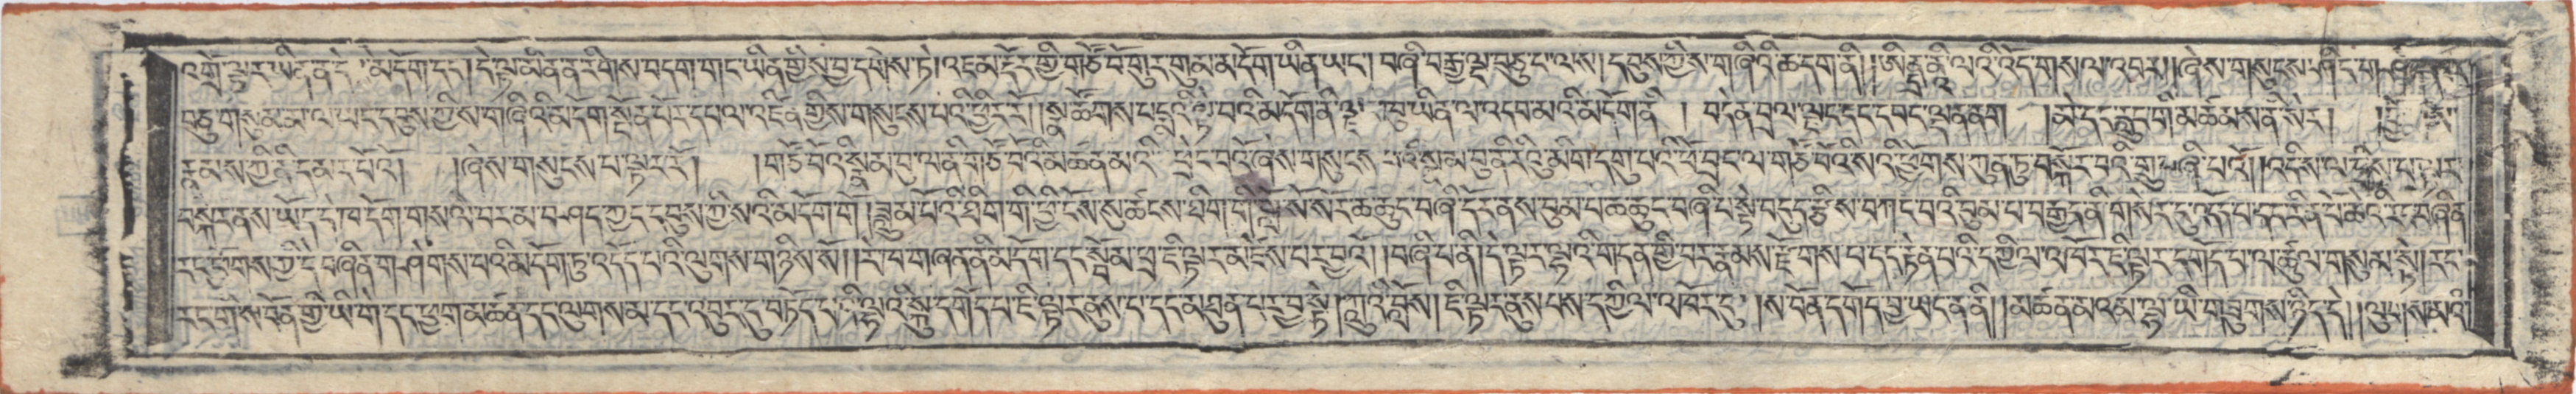འགྲོ་ལྟར་ཡིན་ན་དེའི་མདོག་དང་། དེ་ལྟ་མིན་ན་རིགས་བདག་གང་ཡིན་གྱིས་བྱ་དགོས་ཏེ། འཇམ་རྡོར་གྱི་གཙོ་བོ་གུར་གུམ་མདོག་ཡིན་ཡང་། བཞི་བརྒྱ་ལྔ་བཅུ་པ་ལས། དབུས་ཀྱི་ས་གཞིའི་ཆ་དག་ནི། །ཨིནྡྲ་ནཱི་ལའི་འོད་གསལ་འབར། །ཞེས་གསུངས་ཤིང་གཤེད་དམར་
བཅུ་གསུམ་མ་ལ་ཡང་དབུས་ཀྱི་ས་གཞིའི་མདོག་སྔོན་པོར་དཔལ་འཛིན་གྱིས་གསུངས་པའི་ཕྱིར་རོ། །སྣ་ཚོགས་པདམའི་ལྟེ་བའི་མདོག་ནི་ལྗང་ཁུ་ཡིན་ལ་འདབ་མའི་མདོག་ནི། བདེན་བྲལ་ལྗང་དང་དབང་ལྡན་ནག །མེ་དང་རླུང་གི་མཚམས་ནི་སེར། །ཕྱོགས་
རྣམས་ཀྱི་ནི་དམར་པོའོ། །ཞེས་གསུངས་པ་ལྟར་རོ། །གཙོ་བོའི་སྣམ་བུ་ལ་ནི་གཙོ་བོའི་མཚན་མའི་ཕྲེང་བའོ་ཞེས་གསུངས་པའི་སྣམ་བུ་ནི་རིའུ་མིག་དགུ་པའི་ཕོ་བྲང་ལ་གཙོ་བོའི་སའི་ཕྱོགས་ཀུན་ཏུ་བསྐོར་བའི་གྲུ་བཞི་པའོ། །འདི་ས་ལ་བྲིས་པ་ལྟར་
བསྐོར་ནས་ཡོད་དེ་ཁ་དོག་གསལ་བར་མ་བཤད་ཀྱང་དབུས་ཀྱི་སའི་མདོག་གོ །ཟླུམ་པོའི་ཐིག་གི་ཕྱི་ངོས་སུ་ཚངས་ཐིག་གི་གློ་སོ་སོར་ཆ་ཆུང་བཞི་དོར་ནས་བུམ་པ་ཆ་ཆུང་བཞི་པ་སྟེ་བདུད་རྩིས་བཀང་བའི་བུམ་པ་བརྒྱད་ནི་གསེར་དུ་འདོད་པ་དང་རིན་པོ་ཆེའི་རང་བཞིན་
རང་ཕྱོགས་ཀྱི་དེ་བཞིན་གཤེགས་པའི་མདོག་ཏུ་འདོད་པའི་ལུགས་གཉིས་སོ། །རེ་ཁ་གཞན་ནི་མདོག་དང་སྦོམ་ཕྲ་ཇི་ལྟར་མཛེས་པར་བྱའོ། །བཞི་པ་ནི། དེ་ལྟར་ལྷའི་གདན་གྱི་བར་རྣམས་རྫོགས་པ་དང་རྟེན་པའི་དཀྱིལ་འཁོར་ཇི་ལྟར་དགོད་པ་ལ་ཚུལ་གསུམ་སྟེ། རང་
རང་གི་ས་བོན་གྱི་ཡི་གེ་དང་ཕྱག་མཚན་དང་ལུགས་མ་དང་འབུར་དུ་བཏོད་པའི་ལྷའི་སྐུ་དགོད་པ་ཇི་ལྟར་ནུས་པ་དང་མཐུན་པར་བྱ་སྟེ། ཀླུའི་བློས། ཇི་ལྟར་ནུས་པས་དཀྱིལ་འཁོར་དུ། །ས་བོན་དགོད་བྱ་ཡང་ན་ནི། །མཚན་མའམ་ལྷ་ཡི་གཟུགས་ཉིད་དེ། །ལུགས་མའཾ་